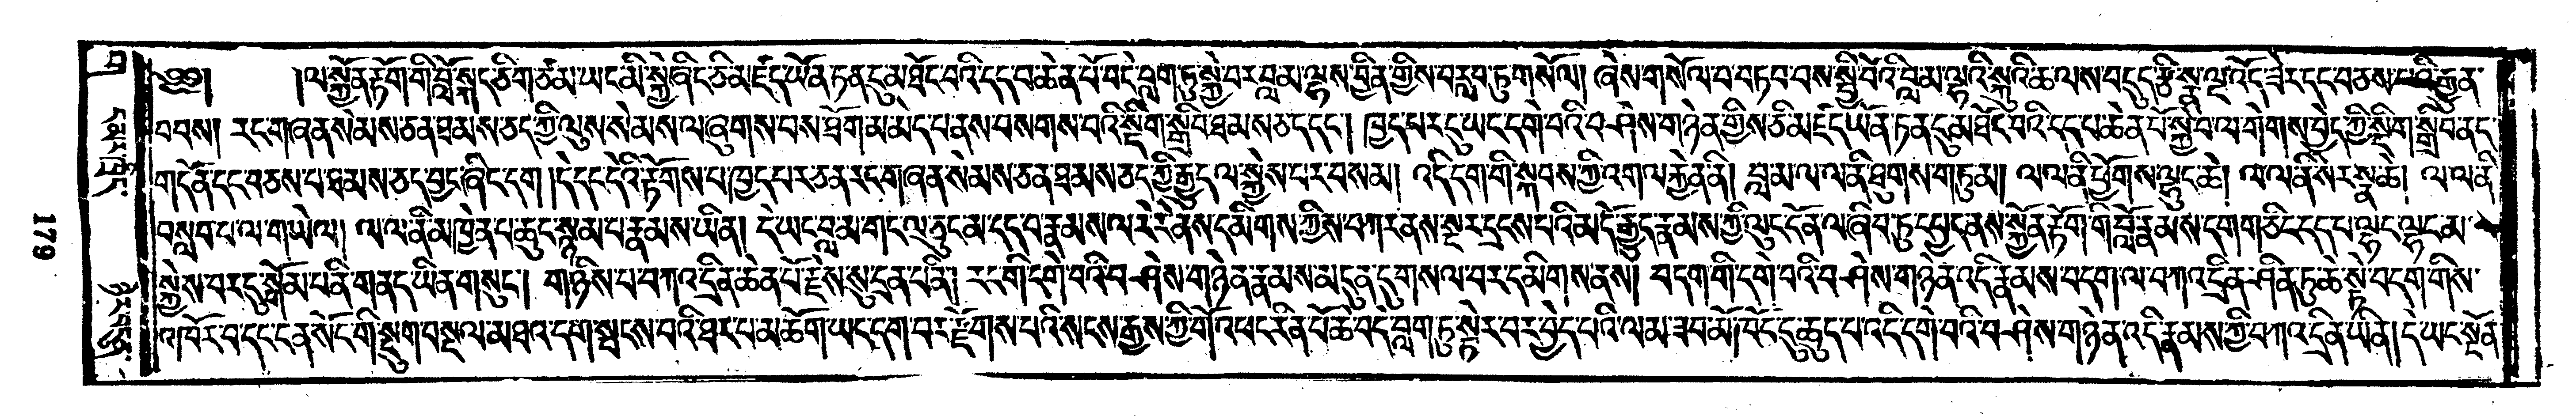༄༅། །ལ་སྐྱོན་རྟོག་གི་བློ་སྐད་ཅིག་ཙམ་ཡང་མི་སྐྱེ་ཞིང་ཅི་མཛད་ཡོན་ཏན་དུ་མཐོང་བའི་དད་བ་ཆེན་པོ་བདེ་བླག་ཏུ་སྐྱེ་བར་བླ་མ་ལྷས་བྱིན་གྱིས་བརླབ་ཏུ་གསོལ། ཞེས་གསོལ་བ་བཏབ་པས་སྤྱི་བོའི་བླ་མ་ལྷའི་སྐུའི་ཆ་ལས་བདུད་རྩི་སྣ་ལྔ་འོད་ཟེར་དང་བཅས་པའི་རྒྱུན་
བབས། རང་གཞན་སེམས་ཅན་ཐམས་ཅད་ཀྱི་ལུས་སེམས་ལ་ཞུགས་པས་ཐོག་མ་མེད་པ་ནས་བསགས་པའི་སྡིག་སྒྲིབ་ཐམས་ཅད་དང་། ཁྱད་པར་དུ་ཡང་དགེ་བའི་བཤེས་གཉེན་གྱིས་ཅི་མཛད་ཡོན་ཏན་དུ་མཐོང་བའི་དད་པ་ཆེན་པོ་སྐྱེ་བ་ལ་གེགས་བྱེད་ཀྱི་སྡིག་སྒྲིབ་ནད་
གདོན་དང་བཅས་པ་ཐམས་ཅད་བྱང་ཞིང་དག །དེ་དང་དེའི་རྟོགས་པ་ཁྱད་པར་ཅན་རང་གཞན་སེམས་ཅན་ཐམས་ཅད་ཀྱི་རྒྱུད་ལ་སྐྱེས་པར་བསམ། འདི་དག་གི་སྐབས་ཀྱི་འགལ་རྐྱེན་ནི། བླ་མ་ལ་ལ་ནི་ཐུགས་གཏུམ། ལ་ལ་ནི་ཕྱོགས་ལྷུང་ཆེ། ལ་ལ་ནི་སེར་སྣ་ཆེ། ལ་ལ་ནི་
བསླབ་པ་ལ་གཡེལ། ལ་ལ་ནི་མཁྱེན་པ་ཆུང་སྙམ་པ་རྣམས་ཡིན། དེ་ཡང་བླ་མ་གང་ལ་ཅུང་མ་དད་པ་རྣམས་ལ་རེ་རེ་ནས་དམིགས་ཀྱིས་བཀར་ནས་སྔར་དྲངས་པའི་མདོ་རྒྱུད་རྣམས་ཀྱི་ལུང་དོན་ལ་ཞིབ་ཏུ་དཔྱད་ནས་སྐྱོན་རྟོག་གི་བློ་རྣམས་དགག་ཅིང་དད་པ་ལྷང་ལྷང་མ་
སྐྱེས་བར་དུ་སྒོམ་པ་ནི་གནད་ཡིན་གསུང་། གཉིས་པ་བཀའ་དྲིན་ཆེན་པོ་རྗེས་སུ་དྲན་པ་ནི། རང་གི་དགེ་བའི་བཤེས་གཉེན་རྣམས་མདུན་དུ་གསལ་བར་དམིགས་ནས། བདག་གི་དགེ་བའི་བཤེས་གཉེན་འདི་རྣམས་བདག་ལ་བཀའ་དྲིན་ཤིན་ཏུ་ཆེ་སྟེ་བདག་གིས་
འཁོར་བ་དང་ངན་སོང་གི་སྡུག་བསྔལ་མཐའ་དག་སྤངས་པའི་ཐར་པ་མཆོག་ཡང་དག་པར་རྫོགས་པའི་སངས་རྒྱས་ཀྱི་གོ་འཕང་རིན་པོ་ཆེ་བདེ་བླག་ཏུ་སྟེར་བར་བྱེད་པའི་ལམ་ཟབ་མོ་ཁོང་དུ་ཆུད་པ་འདི་དགེ་བའི་བཤེས་གཉེན་འདི་རྣམས་ཀྱི་བཀའ་དྲིན་ཡིན། དེ་ཡང་སྔོན་